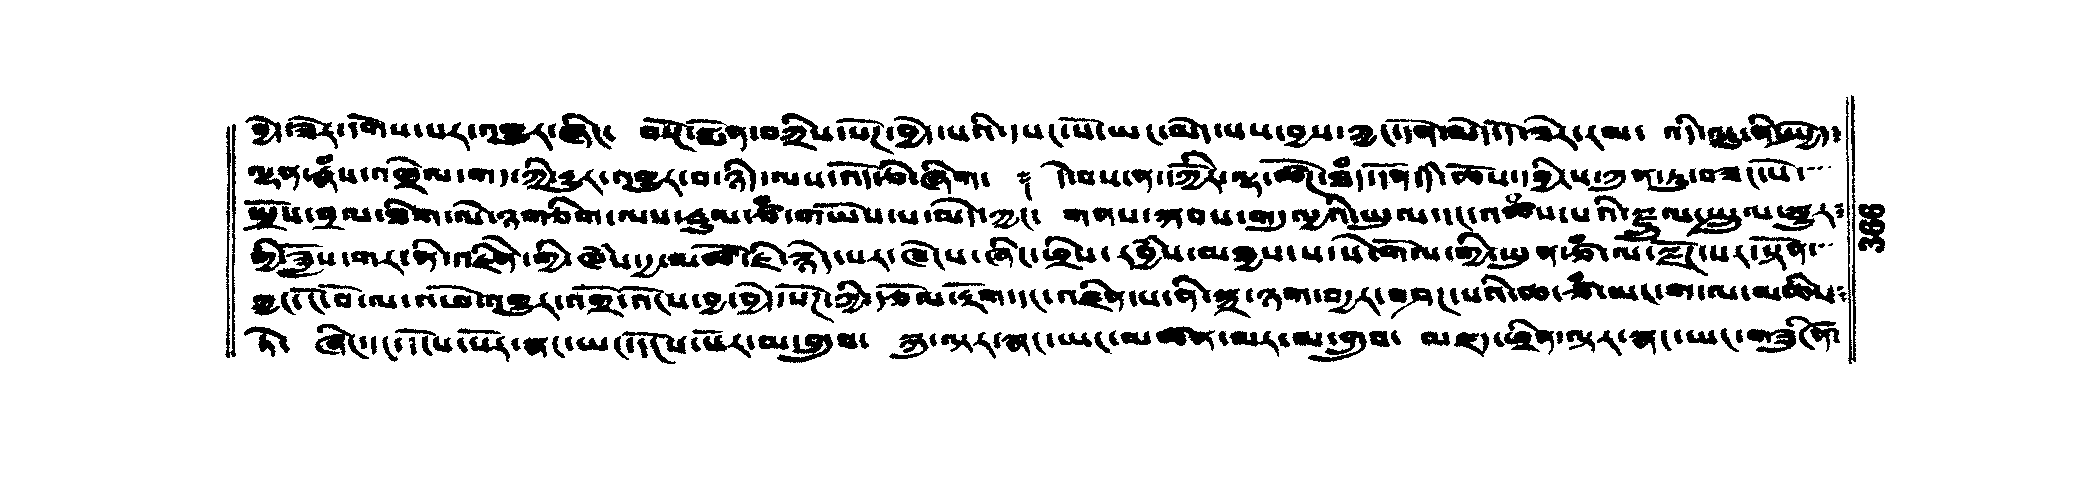བྱེད་ཟེར་དགོས་པར་འགྱུར་ཞིང་། བསྔ་སྨོན་བཀྲ་ཤིས་སོགས་བྱེད་པའི་དཔང་པོ་ཡང་མེད་པས་བྱས་ཀྱང་དོམ་མེད་དོ་ཟེར་རམ། འདི་ལྟ་བུ་ནི་སྤྱོད་
ལྡན་རྣམས་འཁྲེལ་གད་ཀྱི་རྒྱུར་འགྱུར་བ་ཉིད་ལས་འདོ་ཅི་ཞིག་ ༈ དེ་བས་ན་དཀྱིལ་འཁོར་ལྷ་ཚོགས་ཐམས་ཅད་དོན་དམ་ཆོས་དབྱིངས་ཀུན་ཏུ་བཟང་པོ་
སྤྲོས་བྲལ་ཐིག་ལེ་ཉག་གཅིག་ལས་རྡུལ་ཙམ་གཡོས་པ་མེད་ཀྱང་། གནས་སྐབས་གདུལ་བྱའི་ཡུལ་དང་འཚམས་པའི་རྫུ་འཕྲུལ་སྤྲུལ་སྒྱུར་
གྱི་ཟློས་གར་ནི་འཇིག་རྟེན་ཁམས་རྒྱ་མཚོ་ཇི་སྙེད་པར་ཁེངས་ཞིང་ཕྲིན་ལས་རབ་འབྱམས་མཐའ་ཡས་པ་སེ་གོལ་གྱི་ཡུན་ཙམ་རྫོགས་པར་སྟོན་
ཀྱང་ངོ་བོ་ལ་འཕོ་འརྒྱུར་འགྲོ་འོང་བྱ་བྱེད་སོགས་ཀྱི་རྩོམ་རྟོག་དང་འཇིག་པ་ནི་སྐྲག་ཉག་བརྒྱར་བཤགས་པའི་ཆ་ཙམ་ཡང་ག་ལ་མཆིས་
ཏེ། ཞིང་དང་དངོས་པོར་སྣང་ཡང་དངོས་པོར་མ་གྲུབ། སྐུ་ལྟར་སྣང་ཡང་མཚན་མར་མ་གྲུབ། མཛད་ཕྲིན་ལྟར་སྣང་ཡང་གཟུགས་བརྙན་དུ་གཟུགས་བརྙན་